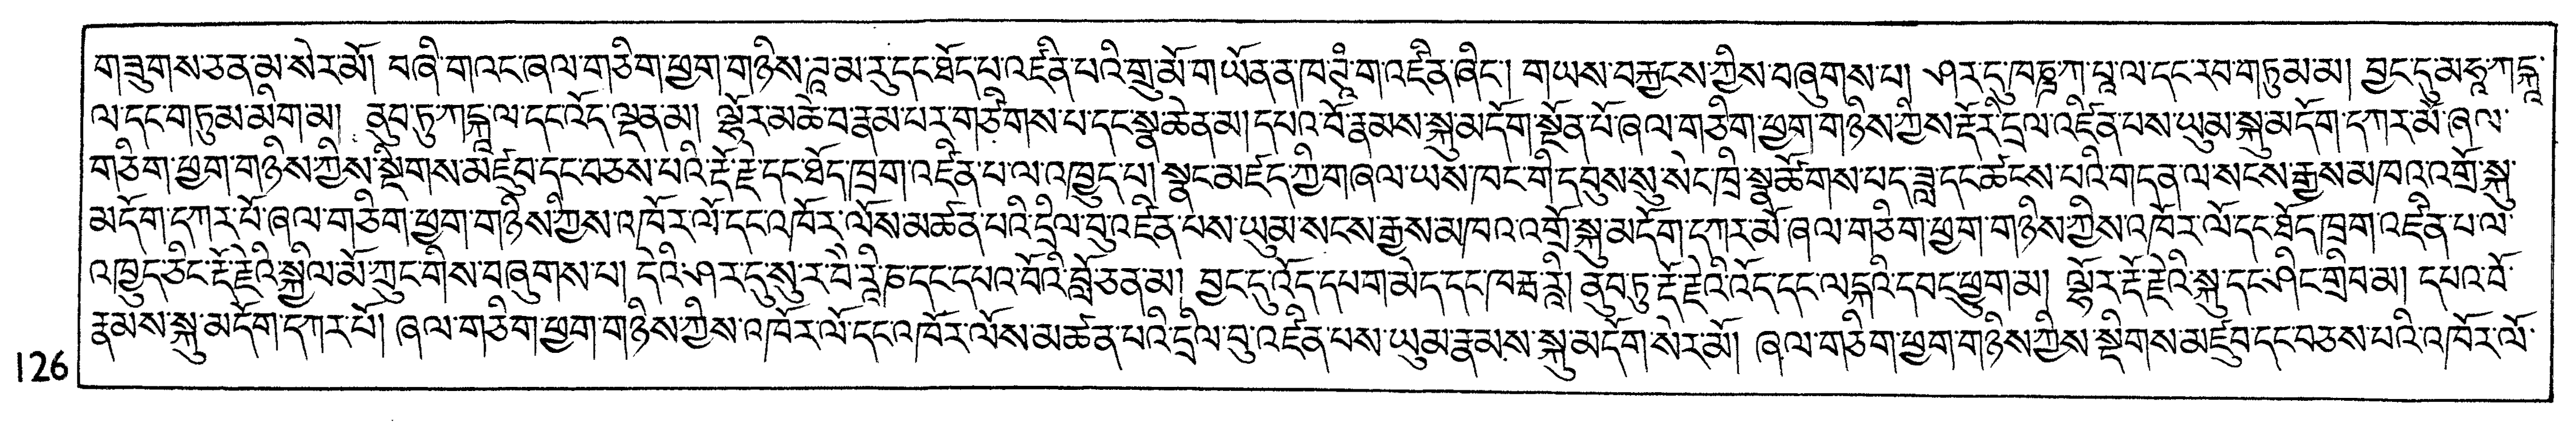གཟུགས་ཅན་མ་སེར་མོ། བཞི་གའང་ཞལ་གཅིག་ཕྱག་གཉིས་ཌཱ་མ་རུ་དང་ཐོད་པ་འཛིན་པའི་གྲུ་མོ་གཡོན་ན་ཁ་ཊཱཾ་ག་འཛིན་ཞིང་། གཡས་བརྐྱངས་ཀྱིས་བཞུགས་པ། ཤར་དུ་ཁཎྜ་ཀ་པཱ་ལ་དང་རབ་གཏུམ་མ། བྱང་དུ་མཧཱ་ཀདཀཱ་
ལ་དང་གཏུམ་མིག་མ། ནུབ་ཏུ་ཀདཀཱ་ལ་དང་འོད་ལྡན་མ། ལྷོར་མཆེ་བ་རྣམ་པར་གཙིགས་པ་དང་སྣ་ཆེན་མ། དཔའ་བོ་རྣམས་སྐུ་མདོག་སྔོན་པོ་ཞལ་གཅིག་ཕྱག་གཉིས་ཀྱིས་རྡོར་དྲིལ་འཛིན་པས་ཡུམ་སྐུ་མདོག་དཀར་མོ་ཞལ་
གཅིག་ཕྱག་གཉིས་ཀྱིས་སྡིགས་མཛུབ་དང་བཅས་པའི་རྡོ་རྗེ་དང་ཐོད་ཁྲག་འཛིན་པ་ལ་འཁྱུད་པ། སྣང་མཛད་ཀྱི་གཞལ་ཡས་ཁང་གི་དབུས་སུ་སེང་ཁྲི་སྣ་ཚོགས་པད་ཟླ་དང་ཚངས་པའི་གདན་ལ་སངས་རྒྱས་མཁའ་འགྲོ་སྐུ་
མདོག་དཀར་པོ་ཞལ་གཅིག་ཕྱག་གཉིས་ཀྱིས་འཁོར་ལོ་དང་འཁོར་ལོས་མཚན་པའི་དྲིལ་བུ་འཛིན་པས་ཡུམ་སངས་རྒྱས་མཁའ་འགྲོ་སྐུ་མདོག་དཀར་མོ་ཞལ་གཅིག་ཕྱག་གཉིས་ཀྱིས་འཁོར་ལོ་དང་ཐོད་ཁྲག་འཛིན་པ་ལ་
འཁྱུད་ཅིང་རྡོ་རྗེའི་སྐྱིལ་མོ་ཀྲུང་གིས་བཞུགས་པ། དེའི་ཤར་དུ་སུ་ར་བཻ་རཱི་ཎ་དང་དཔའ་བོའི་བློ་ཅན་མ། བྱང་དུ་འོད་དཔག་མེད་དང་ཁརྦ་རཱི། ནུབ་ཏུ་རྡོ་རྗེའི་འོད་དང་ལདཀའི་དབང་ཕྱུག་མ། ལྷོར་རྡོ་རྗེའི་སྐུ་དང་ཤིང་གྲིབ་མ། དཔའ་བོ་
རྣམས་སྐུ་མདོག་དཀར་པོ། ཞལ་གཅིག་ཕྱག་གཉིས་ཀྱིས་འཁོར་ལོ་དང་འཁོར་ལོས་མཚན་པའི་དྲིལ་བུ་འཛིན་པས་ཡུམ་རྣམས་སྐུ་མདོག་སེར་མོ། ཞལ་གཅིག་ཕྱག་གཉིས་ཀྱིས་སྡིགས་མཛུབ་དང་བཅས་པའི་འཁོར་ལོ་